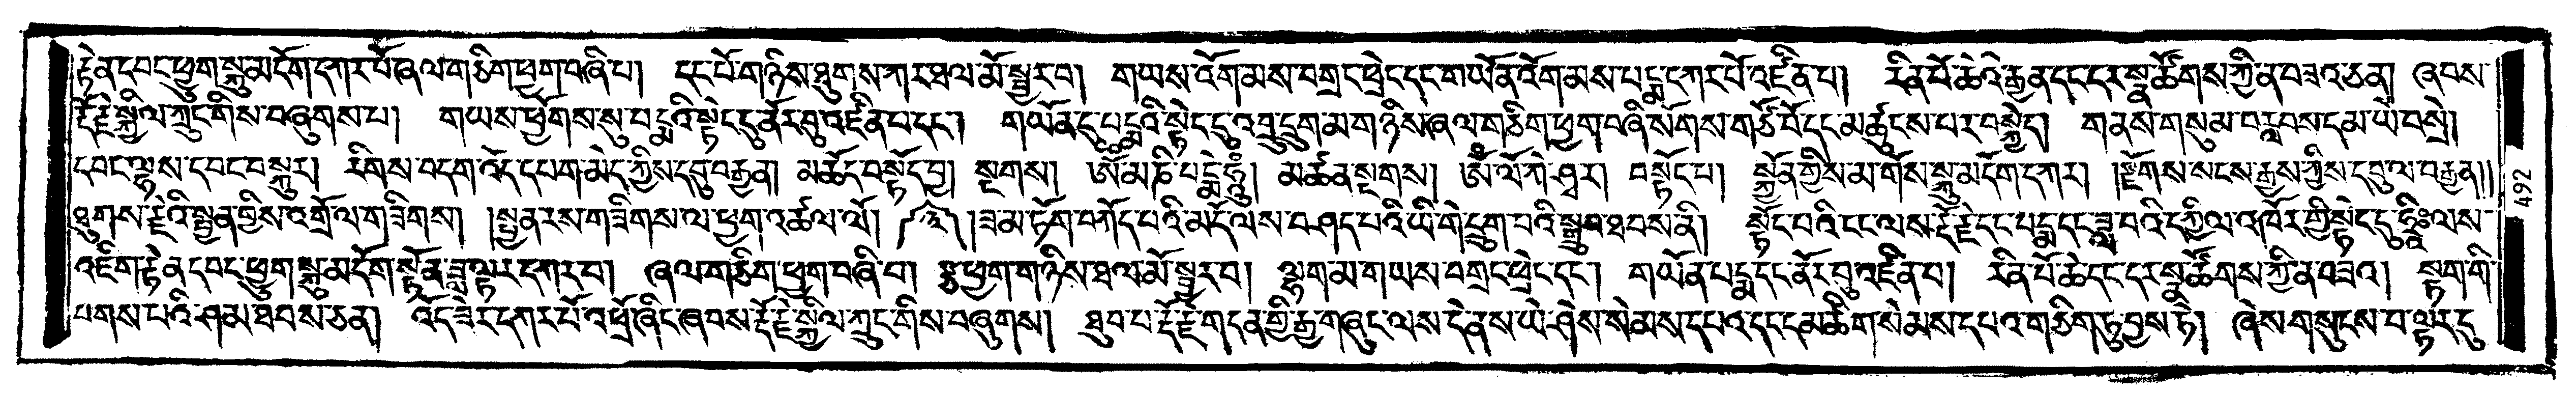རྟེན་དབང་ཕྱུག་སྐུ་མདོག་དཀར་པོ་ཞལ་གཅིག་ཕྱག་བཞི་པ། དང་པོ་གཉིས་ཐུགས་ཀར་ཐལ་མོ་སྦྱར་བ། གཡས་འོག་མས་བགྲང་ཕྲེང་དང་གཡོན་འོག་མས་པདམ་དཀར་པོ་འཛིན་པ། རིན་པོ་ཆེའི་རྒྱན་དང་དར་སྣ་ཚོགས་ཀྱི་ན་བཟའ་ཅན། ཞབས་
རྡོ་རྗེ་སྐྱིལ་ཀྲུང་གིས་བཞུགས་པ། གཡས་ཕྱོགས་སུ་པདམའི་སྟེང་དུ་ནོར་བུ་འཛིན་པ་དང་། གཡོན་དུ་པདམའི་སྟེང་དུ་འབྲུ་དྲུག་མ་གཉིས་ཞལ་གཅིག་ཕྱག་བཞི་སོགས་གཙོ་བོ་དང་མཚུངས་པར་བསྐྱེད། གནས་གསུམ་བརླབས་དམ་ཡེ་བསྲེ།
དབང་ལྷས་དབང་བསྐུར། རིགས་བདག་འོད་དཔག་མེད་ཀྱིས་དབུ་བརྒྱན། མཆོད་བསྟོད་བྱ། སྔགས། ཨོཾ་མ་ཎི་པདམའི་ཧཱུཾ། མཚན་སྔགས། ཨོཾ་ལོ་ཀེ་ཤྭར། བསྟོད་པ། སྐྱོན་གྱིས་མ་གོས་སྐུ་མདོག་དཀར། །རྫོགས་སངས་རྒྱས་ཀྱིས་དབུ་ལ་བརྒྱན།།
ཐུགས་རྗེའི་སྤྱན་གྱིས་འགྲོ་ལ་གཟིགས། །སྤྱན་རས་གཟིགས་ལ་ཕྱག་འཚལ་ལོ། ༣?་།ཟ་མ་ཏོག་བཀོད་པའི་མདོ་ལས་བཤད་པའི་ཡི་གེ་དྲུག་པའི་སྒྲུབ་ཐབས་ནི། སྟོང་པའི་ངང་ལས་རྡོ་རྗེ་དང་པདམ་དང་ཟླ་བའི་དཀྱིལ་འཁོར་གྱི་སྟེང་དུ་ཧྲཱིཿལས་
འཇིག་རྟེན་དབང་ཕྱུག་སྐུ་མདོག་སྟོན་ཟླ་ལྟར་དཀར་བ། ཞལ་གཅིག་ཕྱག་བཞི་པ། རྩ་ཕྱག་གཉིས་ཐལ་མོ་སྦྱར་བ། ལྷག་མ་གཡས་བགྲང་ཕྲེང་དང་། གཡོན་པདམ་དང་ནོར་བུ་འཛིན་པ། རིན་པོ་ཆེ་དང་དར་སྣ་ཚོགས་ཀྱི་ན་བཟའ། སྟག་གི་
པགས་པའི་ཤམ་ཐབས་ཅན། འོད་ཟེར་དཀར་པོ་འཕྲོ་ཞིང་ཞབས་རྡོ་རྗེ་སྐྱིལ་ཀྲུང་གིས་བཞུགས། ཐུབ་པ་རྡོ་རྗེ་གདན་གྱི་རྒྱ་གཞུང་ལས་དེ་ནས་ཡེ་ཤེས་སེམས་དཔའ་དང་དམ་ཚིག་སེམས་དཔའ་གཅིག་ཏུ་བྱས་ཏེ། ཞེས་གསུངས་པ་ལྟར་དུ་